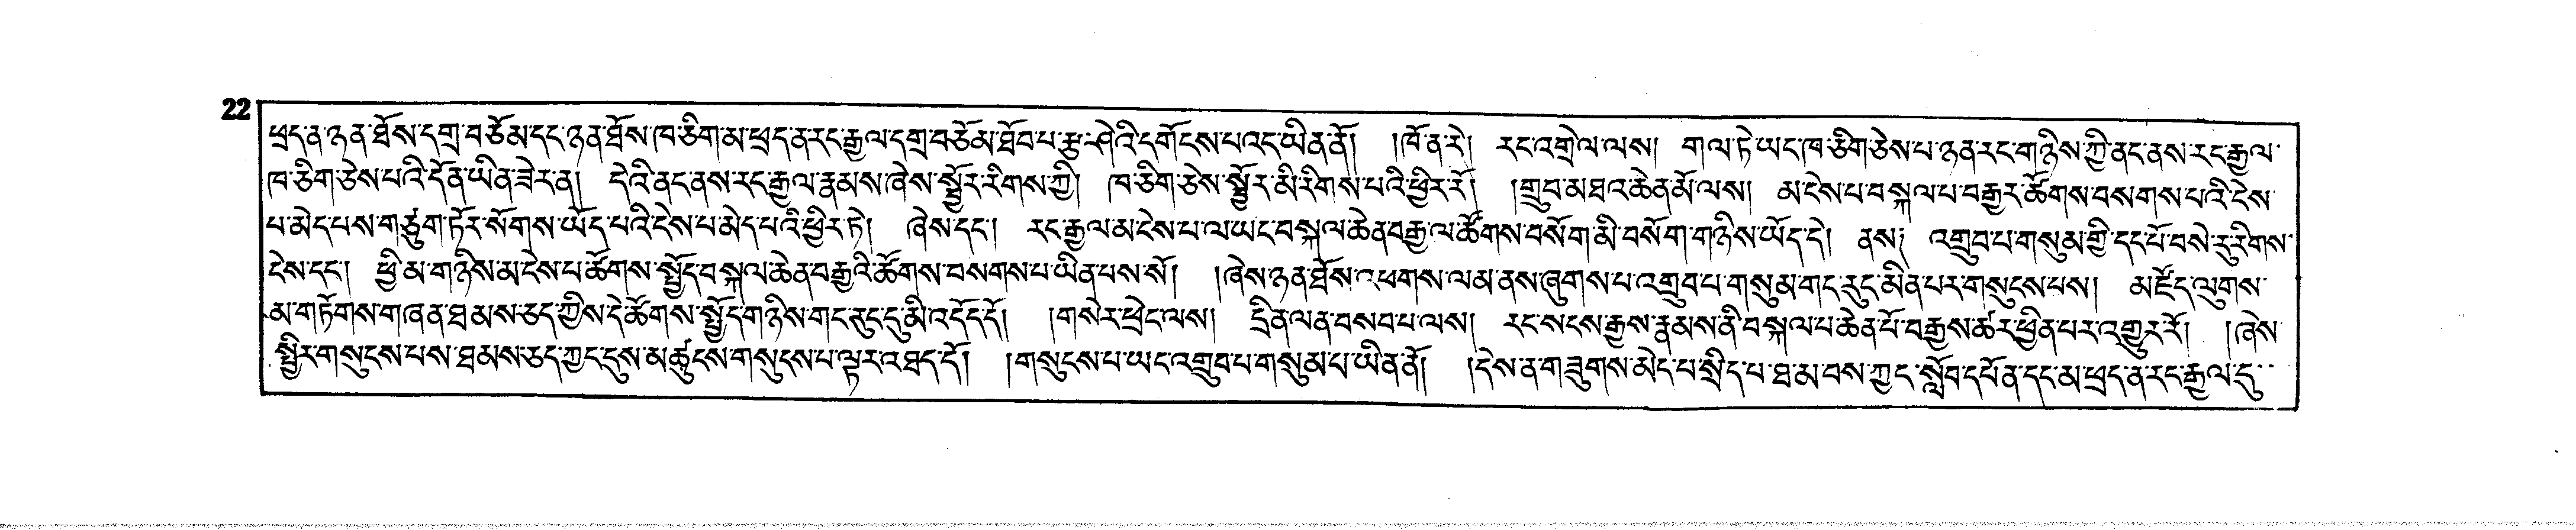ཕྲད་ན་ཉན་ཐོས་དགྲ་བཅོམ་དང་ཉན་ཐོས་ཁ་ཅིག་མ་ཕྲད་ན་རང་རྒྱལ་དགྲ་བཅོམ་ཐོབ་པ་རྩ་ཤེའི་དགོངས་པའང་ཡིན་ནོ། །ཁོ་ན་རེ། རང་འགྲེལ་ལས། གལ་ཏེ་ཡང་ཁ་ཅིག་ཅེས་པ་ཉན་རང་གཉིས་ཀྱི་ནང་ནས་རང་རྒྱལ་
ཁ་ཅིག་ཅེས་པའི་དོན་ཡིན་ཟེར་ན། དེའི་ནང་ནས་རང་རྒྱལ་རྣམས་ཞེས་སྦྱོར་རིགས་ཀྱི། ཁ་ཅིག་ཅེས་སྦྱོར་མི་རིགས་པའི་ཕྱིར་རོ། །གྲུབ་མཐའ་ཆེན་མོ་ལས། མ་ངེས་པ་བསྐལ་པ་བརྒྱར་ཚོགས་བསགས་པའི་ངེས་
པ་མེད་པས་གཙུག་ཏོར་སོགས་ཡོད་པའི་ངེས་པ་མེད་པའི་ཕྱིར་ཏེ། ཞེས་དང་། རང་རྒྱལ་མ་ངེས་པ་ལ་ཡང་བསྐལ་ཆེན་བརྒྱ་ལ་ཚོགས་བསོག་མི་བསོག་གཉིས་ཡོད་དེ། ནས། འགྲུབ་པ་གསུམ་གྱི་དང་པོ་བསེ་རུ་རིགས་
ངེས་དང་། ཕྱི་མ་གཉིས་མ་ངེས་པ་ཚོགས་སྤྱོད་བསྐལ་ཆེན་བརྒྱའི་ཚོགས་བསགས་པ་ཡིན་པས་སོ། །ཞེས་ཉན་ཐོས་འཕགས་ལམ་ནས་ཞུགས་པ་འགྲུབ་པ་གསུམ་གང་རུང་མིན་པར་གསུངས་པས། མཛོད་ལུགས་
མ་གཏོགས་གཞན་ཐམས་ཅད་ཀྱིས་དེ་ཚོགས་སྤྱོད་གཉིས་གང་རུང་དུ་མི་འདོད་དོ། །གསེར་ཕྲེང་ལས། དྲིན་ལན་བསབ་པ་ལས། རང་སངས་རྒྱས་རྣམས་ནི་བསྐལ་པ་ཆེན་པོ་བརྒྱས་ཚར་ཕྱིན་པར་འགྱུར་རོ། །ཞེས་
སྤྱིར་གསུངས་པས་ཐམས་ཅད་ཀྱང་དུས་མཚུངས་གསུངས་པ་ལྟར་འཐད་དོ། །གསུངས་པ་ཡང་འགྲུབ་པ་གསུམ་པ་ཡིན་ནོ། །དེས་ན་གཟུགས་མེད་པ་སྲིད་པ་ཐ་མ་བས་ཀྱང་སློབ་དཔོན་དང་མ་ཕྲད་ན་རང་རྒྱལ་དུ་